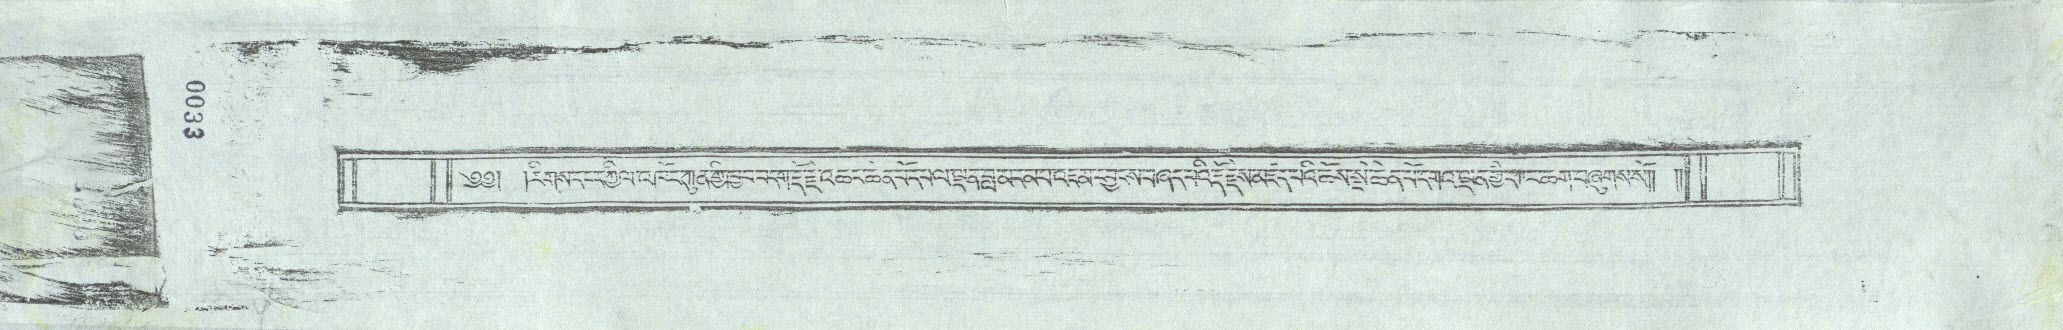༄༅། །རིགས་དང་དཀྱིལ་འཁོར་ཀུན་གྱི་ཁྱབ་བདག་རྡོ་རྗེ་འཆང་ཆེན་པོ་དཔལ་ལྡན་བླ་མ་དམ་པ་འཇམ་དབྱངས་བཞད་པའི་རྡོ་རྗེས་མཛད་པའི་ཆོས་སྡེ་ཆེན་པོ་དགའ་ལྡན་གྱི་དཀར་ཆག་བཞུགས་སོ།། །།